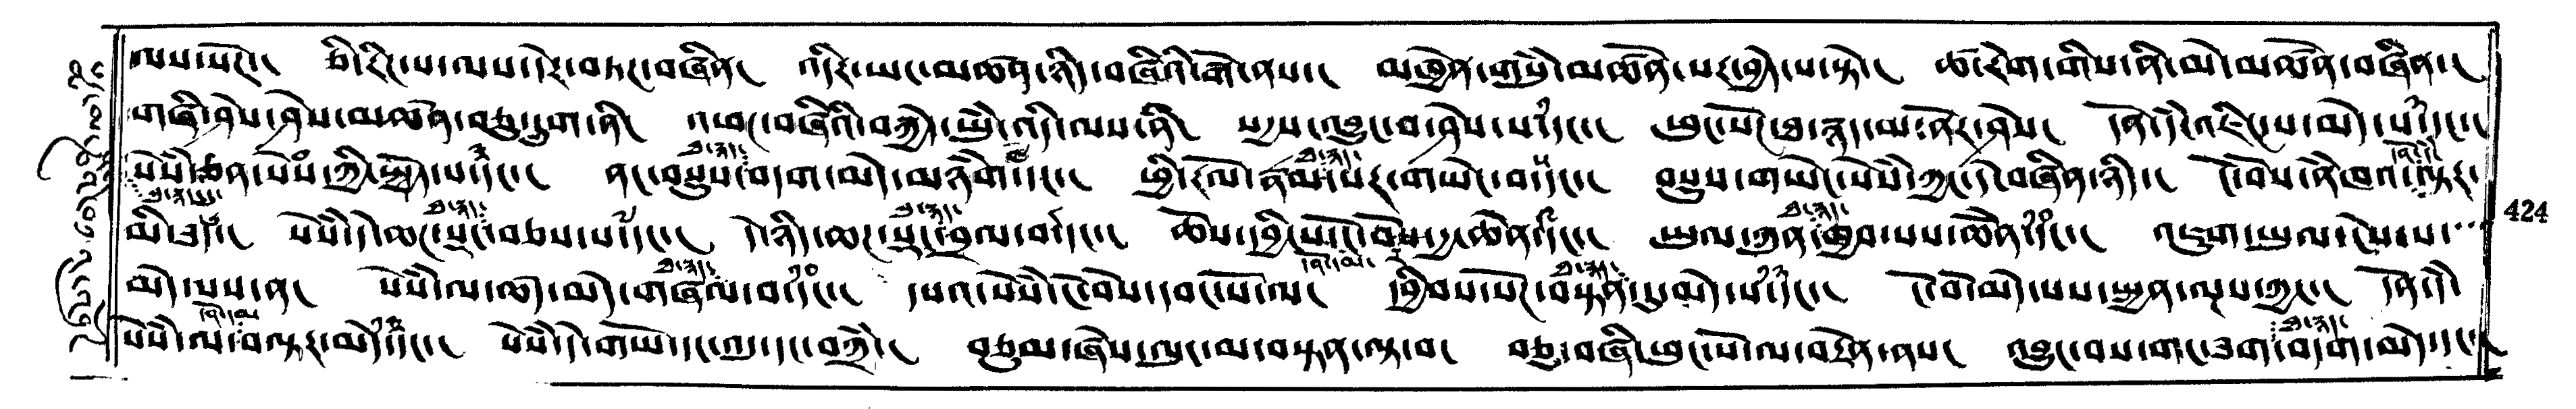ལས་སོགས། །ཅི་རིགས་པ་ལས་དེར་བཏགས་བཞིན། །འདིར་ཡང་མཚན་ཉིད་བཞིའི་སྒོ་ནས། །མཁྱེན་གསུམ་མཚོན་པར་བྱེད་པ་སྟེ། །ཚ་རེག་གིས་ནི་མེ་མཚོན་བཞིན། །
གཞི་ཤེས་ཤེས་མཚན་བཅུ་དྲུག་ནི། །འཕགས་བཞིའི་བསྐྱེད་ཡུམ་འདི་ལས་ནི། །སངས་རྒྱས་འབྱུང་བ་ཤེས་པ་དང་། །ཕུང་སོགས་ཐ་སྙད་མ་ནོར་ཤེས། །དོན་དམ་འཇིགས་པ་མེད་པ་དང་།། 
ཐ་སྙད་དུ་སེམས་ཅན་སེམས་ཀྱི་སྤྱོད་པ་དང་། །ནང་བསྡུས་ཐ་སྙད་བདག་མེད་མཉམ་བཞག་དང་། །ཕྱི་རོལ་རྣམ་ཐ་སྙད་པར་གཡེང་བ་དང་། །བསྡུས་གཡེང་སེམས་ཀྱང་དེ་བཞིན་ཉིད། །ངོ་བོས་ནམ་མཁའ་དོན་དམ་ལྟར་
མི་ཟད། །སེམས་དེ་ཆགས་སྡང་ཐ་སྙད་བཅས་པ་དང་། །དེ་ཉིད་ཆགས་སྡང་ཐ་སྙད་བྲལ་བ་དང་། །ཆོས་དབྱིངས་དོན་དམ་ངོ་བོར་རྒྱ་ཆེན་དང་། །ཡུལ་ཀུན་ཐ་སྙད་ཁྱབ་པས་ཆེན་པོ་དང་། །འཇུག་ཡུལ་ངེས་པ་
མེད་པས་ན། །སེམས་ལ་ཚད་མེད་གཞལ་ཐ་སྙད་བ་དང་། །དཔའ་སེམས་ངོ་བོས་དབང་པོ་ལ། །དབྱིབས་སོགས་བསྟན་ཐ་སྙད་དུ་མེད་པ་དང་། །ངོ་བོ་མེད་པས་སྤྱན་ལྔས་ཀྱང་། །དོན་དམ་
སེམས་ལ་དོན་དམ་བལྟར་མེད་དང་། །སེམས་དེ་གཡོ་དང་འདུ་དང་བཀྲམ། །བཅུམ་ཞེས་ལུང་མ་བསྟན་ལྟ་བ། །བཅུ་བཞི་ཕུང་པོ་ལ་བརྟེན་ནས། །འབྱུང་བས་གང་ཟག་ཐ་སྙད་བདག་མེད་དང་། །